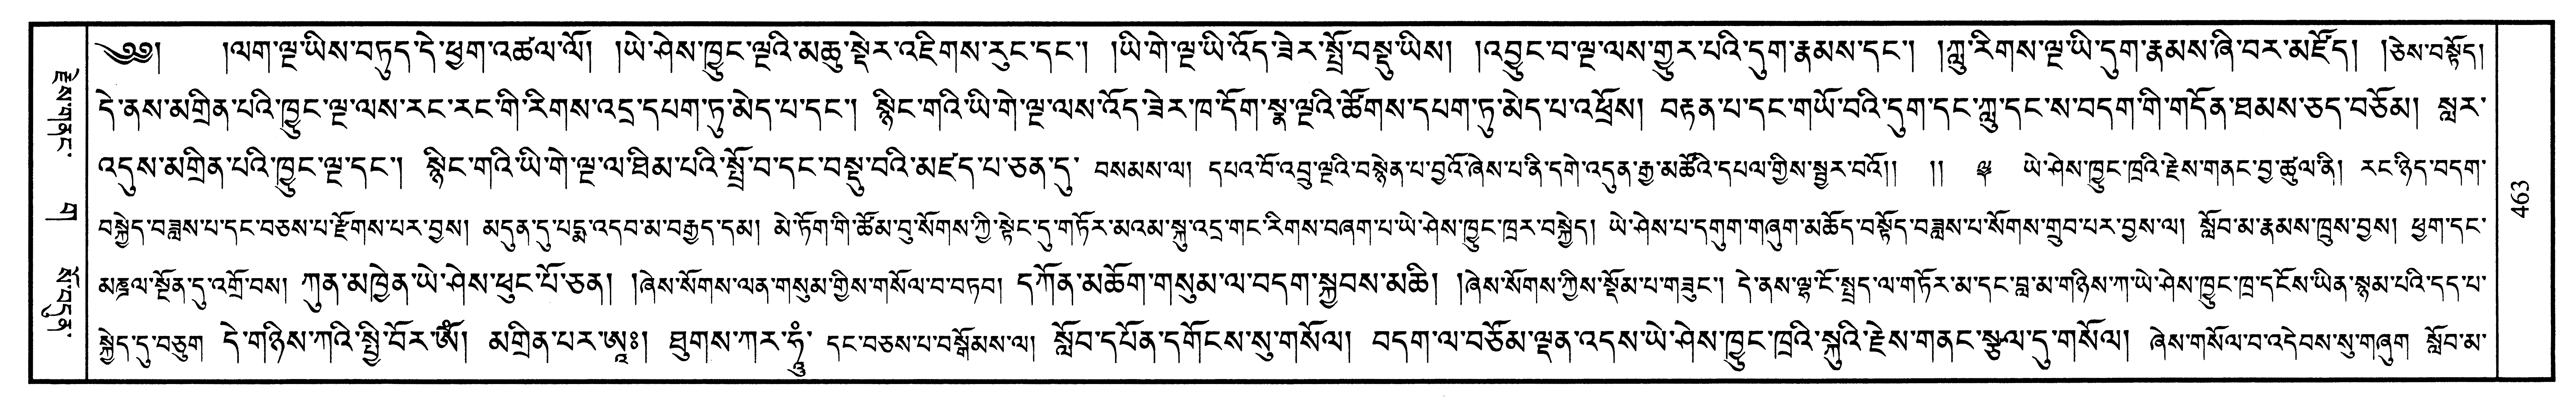༄༅། །ལག་ལྔ་ཡིས་བཏུད་དེ་ཕྱག་འཚལ་ལོ། །ཡེ་ཤེས་ཁྱུང་ལྔའི་མཆུ་སྡེར་འཇིགས་རུང་དང་། །ཡི་གེ་ལྔ་ཡི་འོད་ཟེར་སྤྲོ་བསྡུ་ཡིས། །འབྱུང་བ་ལྔ་ལས་གྱུར་པའི་དུག་རྣམས་དང་། །ཀླུ་རིགས་ལྔ་ཡི་དུག་རྣམས་ཞི་བར་མཛོད། །ཅེས་བསྟོད།
དེ་ནས་མགྲིན་པའི་ཁྱུང་ལྔ་ལས་རང་རང་གི་རིགས་འདྲ་དཔག་ཏུ་མེད་པ་དང་། སྙིང་གའི་ཡི་གེ་ལྔ་ལས་འོད་ཟེར་ཁ་དོག་སྣ་ལྔའི་ཚོགས་དཔག་ཏུ་མེད་པ་འཕྲོས། །བརྟན་པ་དང་གཡོ་བའི་དུག་དང་ཀླུ་དང་ས་བདག་གི་གདོན་ཐམས་ཅད་བཅོམ། སླར་
འདུས་མགྲིན་པའི་ཁྱུང་ལྔ་དང་། སྙིང་གའི་ཡི་གེ་ལྔ་ལ་ཐིམ་པའི་སྤྲོ་བ་དང་བསྡུ་བའི་མཛད་པ་ཅན་དུ་བསམས་ལ། དཔའ་བོ་འབྲུ་ལྔའི་བསྙེན་པ་བྱའོ་ཞེས་པ་ནི་དགེ་འདུན་རྒྱ་མཚོའི་དཔལ་གྱིས་སྦྱར་བའོ།། །། ༈ ཡེ་ཤེས་ཁྱུང་ཁྲའི་རྗེས་གནང་བྱ་ཚུལ་ནི། རང་ཉིད་བདག་
བསྐྱེད་བཟླས་པ་དང་བཅས་པ་རྫོགས་པར་བྱས། མདུན་དུ་པདམ་འདབ་མ་བརྒྱད་དམ། མེ་ཏོག་གི་ཚོམ་བུ་སོགས་ཀྱི་སྟེང་དུ་གཏོར་མའམ་སྐུ་འདྲ་གང་རིགས་བཞག་པ་ཡེ་ཤེས་ཁྱུང་ཁྲར་བསྐྱེད། ཡེ་ཤེས་པ་དགུག་གཞུག་མཆོད་བསྟོད་བཟླས་པ་སོགས་གྲུབ་པར་བྱས་ལ། སློབ་མ་རྣམས་ཁྲུས་བྱས། ཕྱག་དང་
མཎྜལ་སྔོན་དུ་འགྲོ་བས། ཀུན་མཁྱེན་ཡེ་ཤེས་ཕུང་པོ་ཅན། །ཞེས་སོགས་ལན་གསུམ་གྱིས་གསོལ་བ་བཏབ། དཀོན་མཆོག་གསུམ་ལ་བདག་སྐྱབས་མཆི། །ཞེས་སོགས་ཀྱིས་སྡོམ་པ་གཟུང་། དེ་ནས་ལྷ་ངོ་སྤྲད་ལ་གཏོར་མ་དང་བླ་མ་གཉིས་ཀ་ཡེ་ཤེས་ཁྱུང་ཁྲ་དངོས་ཡིན་སྙམ་པའི་དད་པ་
སྐྱེད་དུ་བཅུག་དེ་གཉིས་ཀའི་སྤྱི་བོར་ཨོཾ། མགྲིན་པར་ཨཱཿ། ཐུགས་ཀར་ཧཱུཾ་དང་བཅས་པ་བསྒོམས་ལ། སློབ་དཔོན་དགོངས་སུ་གསོལ། བདག་ལ་བཅོམ་ལྡན་འདས་ཡེ་ཤེས་ཁྱུང་ཁྲའི་སྐུའི་རྗེས་གནང་སྩལ་དུ་གསོལ། ཞེས་གསོལ་བ་འདེབས་སུ་གཞུག །སློབ་མ་